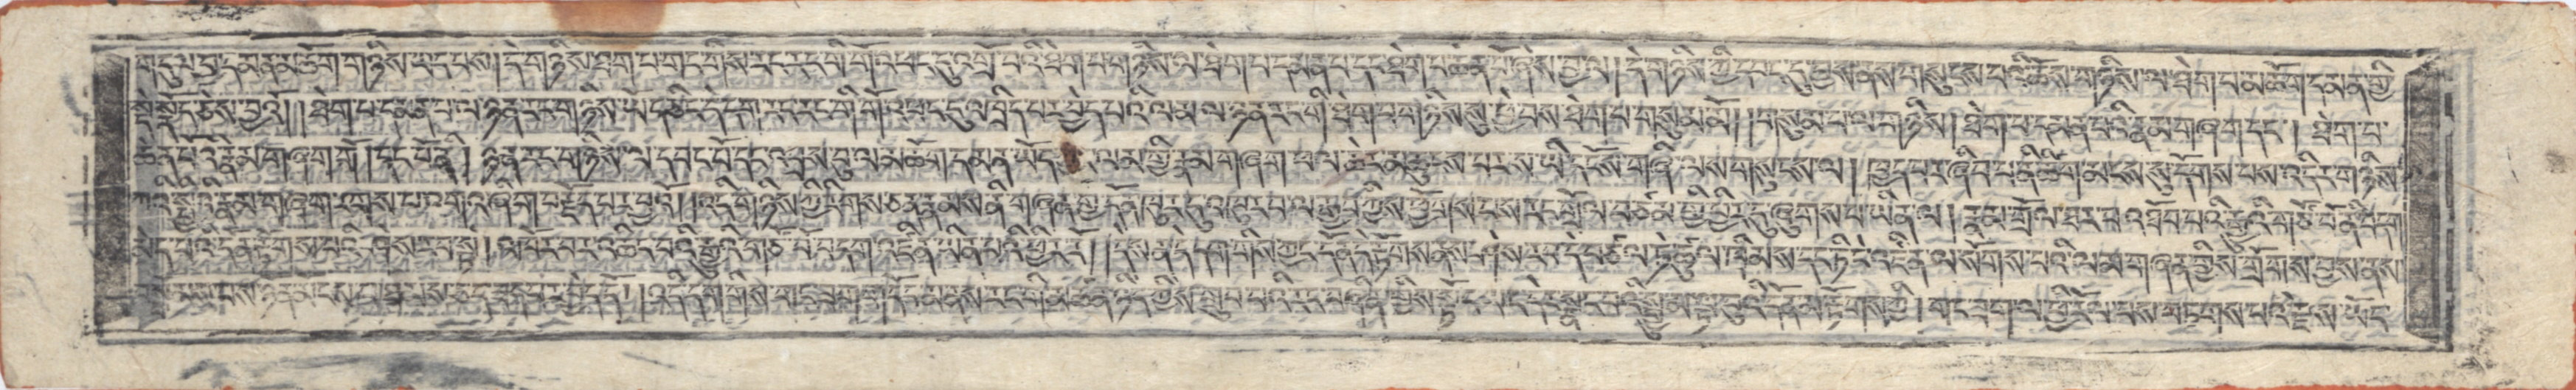གདུལ་བྱ་དམན་མཆོག་གཉིས་ཡོད་པས། དེ་གཉིས་ཐག་པ་གང་གིས་རང་རང་གི་གོ་འཕང་དུ་འགྲོ་བའི་ཐེག་པ་གཉིས་ལ་ཐེག་པ་དམན་པ་དང་ཐེག་པ་ཆེན་པོ་ཞེས་བྱ་ལ། དེ་གཉིས་ཀྱི་དབང་དུ་བྱས་ནས་གསུངས་པའི་ཆོས་གཉིས་ལ་ཐེག་པ་མཆོག་དམན་གྱི་
སྡེ་སྣོད་ཅེས་བྱའོ། །ཐེག་པ་དམན་པ་ལ་ཉན་རང་གཉིས་ཡོད་ཅིང་དེ་དག་རང་རང་གི་གོ་འཕང་དུ་འཁྲིད་པར་བྱེད་པའི་ལམ་ལ་ཉན་རང་གི་ཐེག་པ་གཉིས་སུ་ཕྱེ་བས་ཐེག་པ་གསུམ་མོ། །གསུམ་པ་ལ་གཉིས། ཐེག་པ་དམན་པའི་རྣམ་གཞག་དང་། ཐེག་པ་
ཆེན་པོའི་རྣམ་གཞག་གོ །དང་པོ་ནི། ཉན་རང་གཉིས་ལ་དབང་པོ་དང་འབྲས་བུ་ལ་མཆོག་དམན་ཡོད་ཀྱང་ལམ་གྱི་རྣམ་གཞག་ཕལ་ཆེར་མཚུངས་པར་ས་ཡི་དངོས་གཞི་ལས་གསུངས་ལ། ཁྱད་པར་ཞིབ་པ་ནི་ཚིག་མངས་སུ་དོགས་པས་འདིར་གཉིས་
ཀའི་སྤྱིའི་རྣམ་གཞག་རགས་པ་འགའ་ཞིག་བརྗོད་པར་བྱའོ། །འདི་གཉིས་ཀྱི་རིགས་ཅན་རྣམས་ནི་གཞན་གྱི་དོན་ཁུར་དུ་འཁུར་བ་ལ་རྒྱབ་ཀྱིས་ཕྱོགས་པས་རང་གྲོལ་བ་ཙམ་གྱི་ཕྱིར་དུ་ཞུགས་པ་ཡིན་ལ། རྣམ་གྲོལ་ཐར་པ་འཐོབ་པའི་རྒྱུའི་གཙོ་བོ་ནི་བདག་
མེད་པའི་དོན་རྟོགས་པའི་ཤེས་རབ་སྟེ། འཁོར་བར་འཆིང་བའི་རྒྱུའི་གཙོ་བོ་བདག་འཛིན་ཡིན་པའི་ཕྱིར་རོ། །དེས་ན་དེ་དག་གིས་ཀྱང་དོན་དེ་རྟོགས་ནས་ཤེས་རབ་དེ་བཙལ་ཏེ་ཚུལ་ཁྲིམས་དང་ཏི་ངེ་འཛིན་ལ་སོགས་པའི་ལམ་གཞན་གྱིས་གྲོགས་བྱས་ནས་
བསྒོམས་པས་ཉོན་མོངས་པ་ཐམས་ཅད་ཟད་པར་བྱེད་དོ། །འདི་དག་གིས་གང་ཟག་གདོང་མ་ནས་རང་གི་མཚན་ཉིད་ཀྱིས་གྲུབ་པའི་རང་བཞིན་གྱིས་སྟོང་ཡང་དེར་སྣང་བའི་སྒྱུ་མ་ལྟ་བུའི་དོན་མ་རྟོགས་ཀྱི། གང་ཟག་ལ་ཕྱི་རོལ་པས་བཏགས་པའི་རྫས་ཡོད་